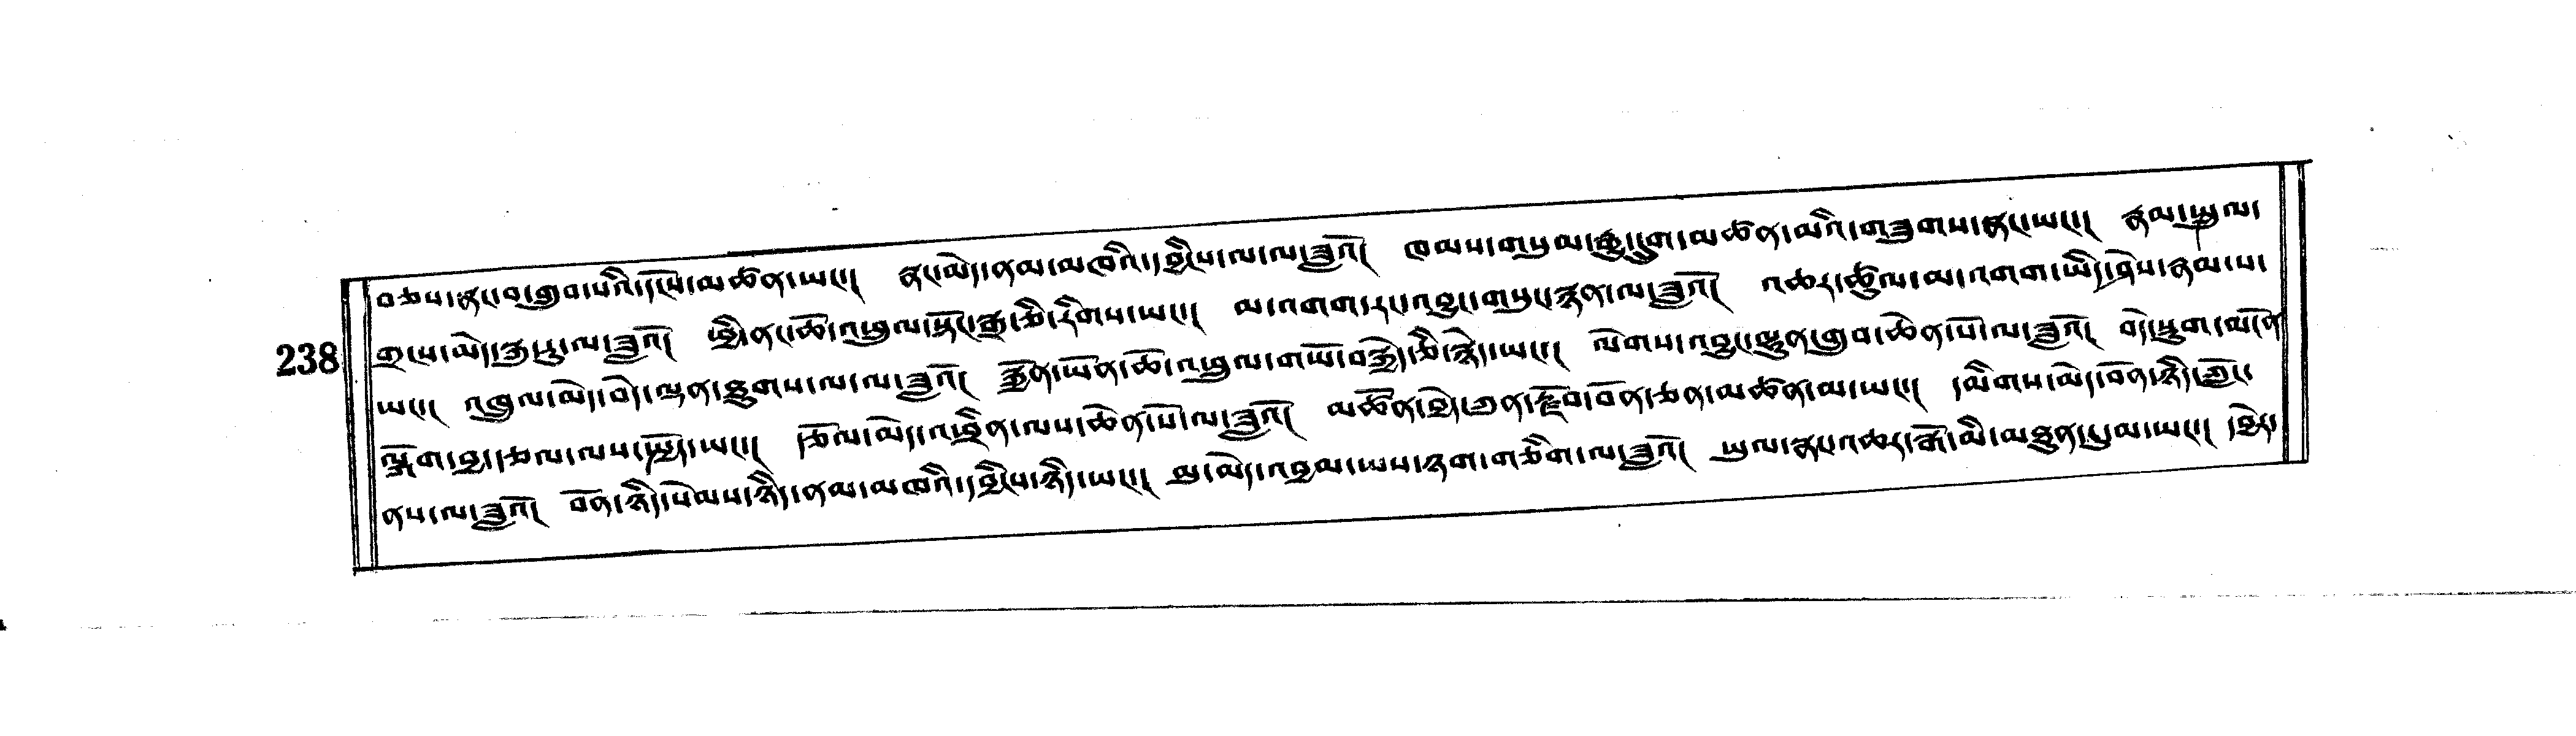བཅས་སྣང་བ་གྲུབ་པའི་དངོས་མཚན་ཡང་། སྣང་མེད་ནམ་མཁའི་དབྱིངས་ལ་ལ་བཟླ་འོ། ཁམས་གསུམ་རྒྱུ་དྲུག་མཚན་མའི་གཟུགས་སྣང་ཡང་། རྣམ་སྤྲུལ་
གྲངས་མེད་སྐུ་རུ་ལ་བཟླའོ། ཕྱི་ནང་ཆོ་འཕྲུལ་སྟོང་སྒྲ་ཅི་རིགས་ཡང་། མ་འགག་རང་འབྱུང་གསུང་སྙན་ལ་བཟླ་འོ། འཆར་ཚུལ་མ་འགག་ཡེ་ཤེས་རྣམ་པ་
ཡང་། འཁྲུལ་མེད་བདེ་ལྡན་ཐུགས་ལ་ལ་བཟླ་འོ། སྐྱོན་ཡོན་ཆོ་འཕྲུལ་གཡོ་མེད་ཅི་སྙེད་ཡང་། ལེགས་འབྱུང་ལྷུན་གྲུབ་ཆེན་པོ་ལ་བཟླ་འོ། བདེ་སྡུག་མངོན་
ལྐོག་བྱ་སྩལ་ལས་སྤྱོད་ཡང་། རྩོལ་མེད་འཕྲིན་ལས་ཆེན་པོ་ལ་བཟླའོ། མཚོན་བྱེད་ཀུན་རྫོབ་བོན་ཅན་མཚན་མ་ཡང་། དམིགས་མེད་བོན་ཉིད་ཀློང་
ནས་ལ་བཟླའོ། བོན་ཉིད་སེམས་ཉིད་ནམ་མཁའི་དབྱིངས་ཉིད་ཡང་། མུ་མེད་འབྱམས་ཡས་ཉག་ཅིག་ལ་བཟླའོ། ཡུལ་སྣང་འཆར་སྒོ་མི་མཐུན་དུ་མ་ཡང་། དབྱེར་